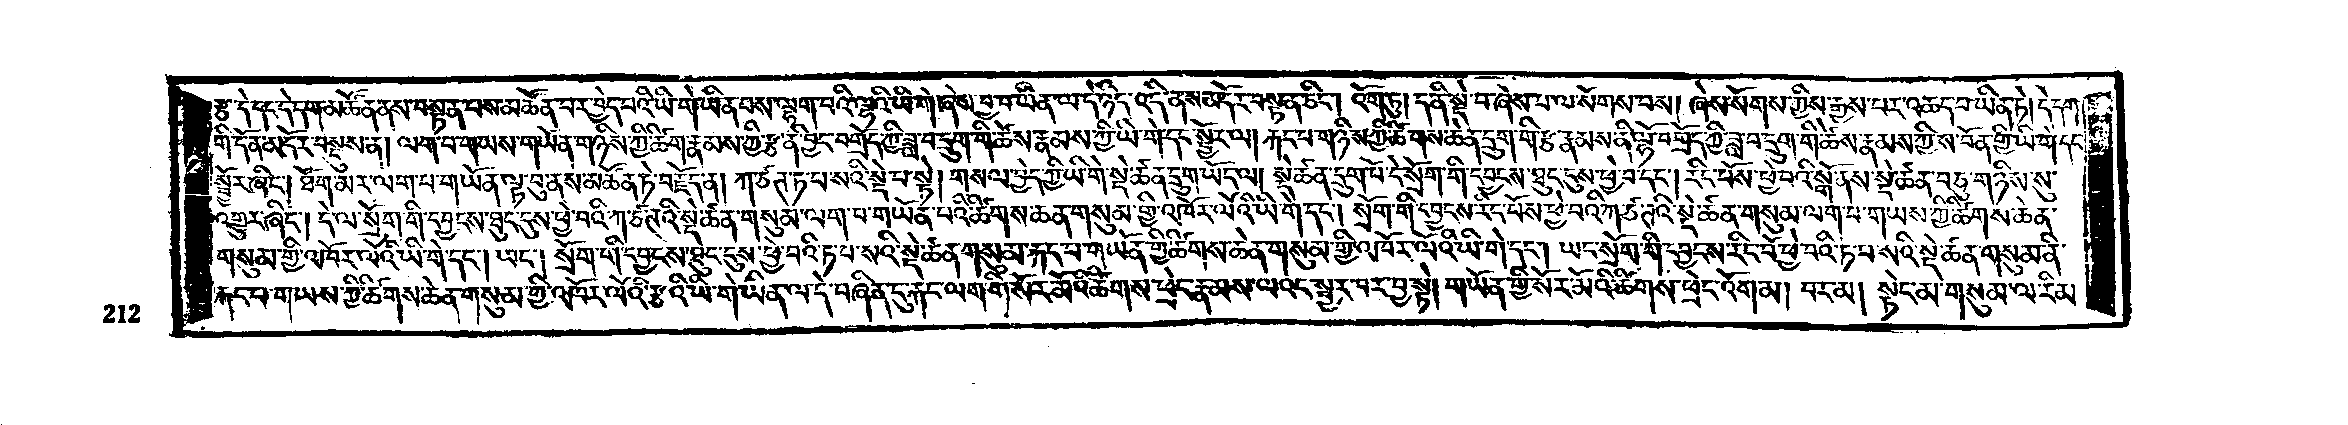རྩ་དེ་དང་དེ་དག་མཚོན་ནས་བསྟན་པས་མཚོན་པར་བྱེད་པའི་ཡི་གེ་ཡིན་པས་ལྷག་པའི་ལྷའི་ཡི་གེ་ཞེས་བྱ་བ་ཡིན་ལ་དེ་ཉིད་འདི་ནས་མདོར་བསྟན་ཅིང་། འོག་ཏུ། ད་ནི་སྡེ་པ་ཞེས་པ་ལ་སོགས་པས། ཞེས་སོགས་ཀྱིས་རྒྱས་པར་འཆད་པ་ཡིན་ཏེ། དེ་དག་
གི་དོན་མདོར་བསྡུས་ན། ལག་པ་གཡས་གཡོན་གཉིས་ཀྱི་ཚིག་རྣམས་ཀྱི་རྩ་ནི་བྱང་བགྲོད་ཀྱི་ཟླ་བ་དྲུག་གི་ཚེས་རྣམས་ཀྱི་ཡི་གེ་དང་སྦྱོར་ལ། རྐང་པ་གཉིས་ཀྱི་ཚིགས་ཆེན་དྲུག་གི་རྩ་རྣམས་ནི་ལྷོ་བགྲོད་ཀྱི་ཟླ་བ་དྲུག་གི་ཚེས་རྣམས་ཀྱི་ས་བོན་གྱི་ཡི་གེ་དང་
སྦྱོར་ཞིང་། ཐོག་མར་ལག་པ་གཡོན་ལྟ་བུ་ནས་མཚོན་ཏེ་བརྗོད་ན། ཀ་ཙ་ཊ་ཏ་པ་སའི་སྡེ་པ་སྟེ། གསལ་བྱེད་ཀྱི་ཡི་གེ་སྡེ་ཚན་དྲུག་ཡོད་ལ། སྡེ་ཚན་དྲུག་པོ་དེ་སྲོག་གི་དབྱངས་ཐུང་དུས་ཕྱེ་བ་དང་། རིང་པོས་ཕྱེ་བའི་སྒོ་ནས་སྡེ་ཚན་བཅུ་གཉིས་སུ་
འགྱུར་ཞིང་། དེ་ལ་སྲོག་གི་དབྱངས་ཐུང་དུས་ཕྱེ་བའི་ཀ་ཙ་ཊའི་སྡེ་ཚན་གསུམ་ལག་པ་གཡོན་པའི་ཚིགས་ཆན་གསུམ་གྱི་འཁོར་ལོའི་ཡི་གེ་དང་། སྲོག་གི་དབྱངས་རིང་པོས་ཕྱེ་བའི་ཀ་ཙ་ཊའི་སྡེ་ཚན་གསུམ་ལག་པ་གཡས་ཀྱི་ཚིགས་ཆེན་
གསུམ་གྱི་འཁོར་ལོའི་ཡི་གེ་དང་། ཡང་། སྲོག་གི་དབྱངས་ཐུང་ངུས་ཕྱེ་བའི་ཏ་པ་སའི་སྡེ་ཚན་གསུམ་རྐང་པ་གཡོན་གྱི་ཚིགས་ཆེན་གསུམ་གྱི་འཁོར་ལོའི་ཡི་གེ་དང་། ཡང་སྲོག་གི་དབྱངས་རིང་པོ་ཕྱེ་བའི་ཏ་པ་སའི་སྡེ་ཚན་གསུམ་ནི་
རྐང་པ་གཡས་ཀྱི་ཚིགས་ཆེན་གསུམ་གྱི་འཁོར་ལོའི་རྩའི་ཡི་གེ་ཡིན་ལ་དེ་བཞིན་དུ་རྐང་ལག་གི་སོར་མོའི་ཚིགས་ཕྲེང་རྣམས་ལའང་སྦྱར་བར་བྱ་སྟེ། གཡོན་གྱི་སོར་མོའི་ཚིགས་ཕྲེང་འོག་མ། བར་མ། སྟེང་མ་གསུམ་ལ་རིམ་